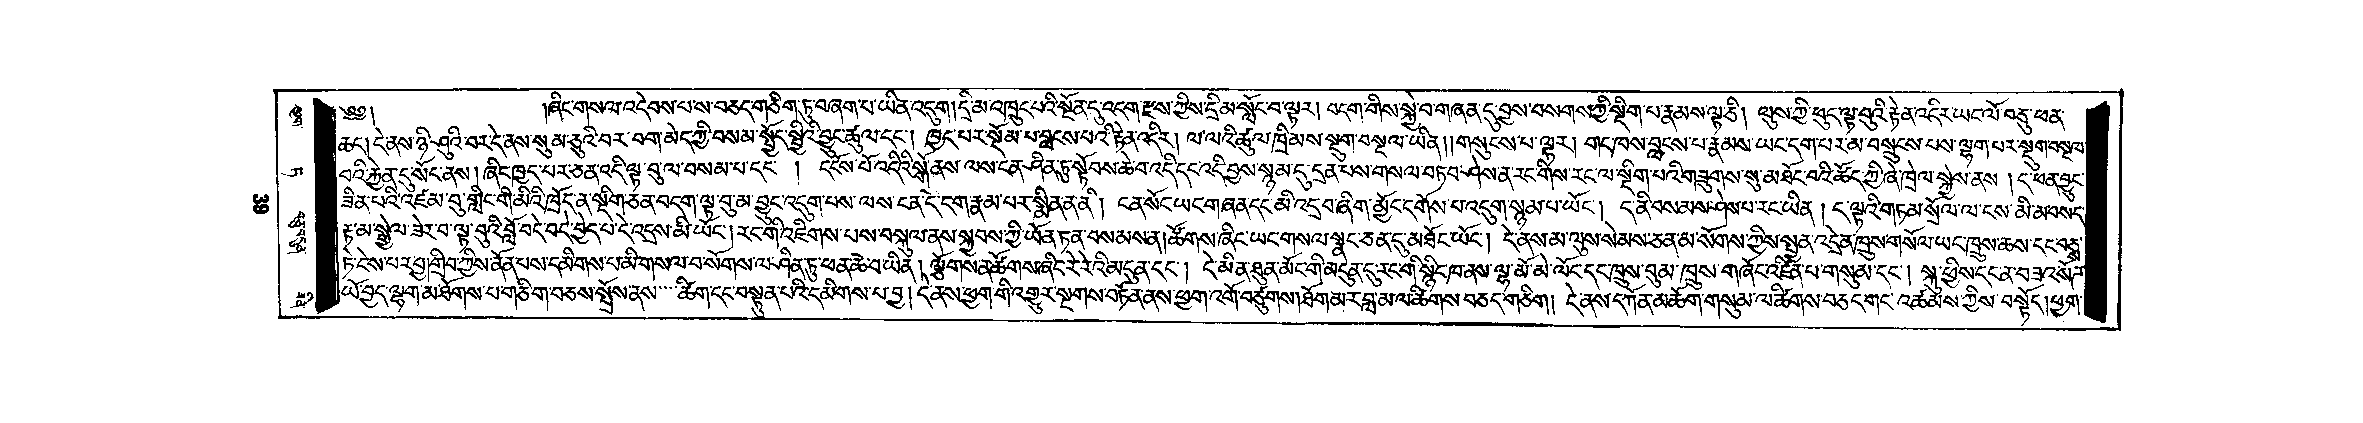༄༅། །ཞིང་གསལ་འདེབས་པ་ས་བཅད་གཅིག་ཏུ་བཞག་པ་ཡིན་འདུག །དྲི་མ་འཁྲུད་པའི་སྔོན་དུ་འདག་རྫས་ཀྱིས་དྲི་མ་སློང་བ་ལྟར། བདག་གིས་སྐྱེ་བ་གཞན་དུ་བྱས་བསགས་ཀྱི་སྡིག་པ་རྣམས་ལྟ་ཅི། ལུས་ཀྱི་ཕུད་ལྟ་བུའི་རྟེན་འདིར་ཡང་ལོ་བཅུ་ཕན་
ཆད། དེ་ནས་ཉི་ཤུའི་བར་དེ་ནས་སུམ་ཅུའི་བར་བག་མེད་ཀྱི་བསམ་སྤྱོད་སྦྱིའི་བྱུང་ཚུལ་དང་། ཁྱད་པར་སྡོམ་པ་བླངས་པའི་རྟེན་འདིར། ལ་ལའི་ཚུལ་ཁྲིམས་སྡུག་བསྔལ་ཡིན། །གསུངས་པ་ལྟར། གང་ཁས་བླངས་པ་རྣམས་ཡང་དག་པར་མ་བསྲུངས་པས་ལྷག་པར་སྡུག་བསྔལ་
བའི་རྐྱེན་དུ་སོང་ནས། ཞིང་ཁྱད་པར་ཅན་འདི་ལྟ་བུ་ལ་བསམ་པ་དང་། དངོས་པོ་འདིའི་སྒོ་ནས་ལས་ངན་ཤིན་ཏུ་སྟོབས་ཆེ་བ་འདི་དང་འདི་བྱས་སྙམ་དུ་དྲན་པས་གསལ་བཏབ་ཤེས་ན་རང་གིས་རང་ལ་སྡིག་པའི་གཟུགས་སུ་མཐོང་བའི་ཚོད་ཀྱི་ཞེ་ཁྲེལ་སྐྱེས་ནས། ད་ཕན་བྱུང་
ཟིན་པའི་འཛམ་བུ་གླིང་གི་མིའི་ཁྲོད་ན་སྡིག་ཅན་བདག་ལྟ་བུ་མ་བྱུང་འདུག་པས་ལས་ངན་དེ་དག་རྣམ་པར་སྨིན་ན་ནི། ངན་སོང་ཡང་གཞན་དང་མི་འདྲ་བ་ཞིག་མྱོང་དགོས་པ་འདུག་སྙམ་པ་ཡོང་། ད་ནི་བསམས་ཤེས་པ་རང་ཡིན། ད་ལྟའི་གཏམ་སྲོལ་ལ་ངས་མི་མ་བསད་
རྟ་མ་སྒྱེལ་ཟེར་བ་ལྟ་བུའི་བློ་བདེ་བདེ་བྱེད་པ་དེ་འདྲས་མི་ཡོང་། རང་གི་འཇིགས་པས་བསྐུལ་ནས་སྐྱབས་ཀྱི་ཡོན་ཏན་བསམས་ན། ཚོགས་ཞིང་ཡང་གསལ་སྣང་ཅན་དུ་མཐོང་ཡོང་། དེ་ནས་མ་ལུས་སེམས་ཅན་མ་སོགས་ཀྱིས་སྤྱན་འདྲེན་ཁྲུས་གསོལ་ཡང་ཁྲུས་ཆས་དང་བཅས་
ཏེ་ངེས་པར་བྱ། གྲིབ་ཀྱིས་ནོན་པས་དམིགས་པ་མི་གསལ་བ་སོགས་ལ་ཤིན་ཏུ་ཕན་ཆེ་བ་ཡིན། ལྕོགས་ན་ཚོགས་ཞིང་རེ་རེའི་མདུན་དང་། དེ་མིན་ཐུན་མོང་གི་མདུན་དུ་རང་གི་སྙིང་ཁ་ནས་ལྷ་མོ་མེ་ལོང་དང་ཁྲུས་བུམ་ཁྲུས་གཞོང་འཛིན་པ་གསུམ་དང་། སྐུ་ཕྱིས་དང་ན་བཟའ་སོགས་
ཡོ་བྱད་ལྷག་མ་ཐོགས་པ་གཅིག་བཅས་སྤྲོས་ནས་ཚིག་དང་བསྟུན་པའི་དམིགས་པ་བྱ། དེ་ནས་ཕྱག་གི་འགྱུར་སྔགས་བཏོན་ནས་ཕྱག་འགོ་བཙུགས། ཐོག་མར་བླ་མ་ལ་ཚིགས་བཅད་གཅིག །དེ་ནས་དཀོན་མཆོག་གསུམ་ལ་ཚིགས་བཅད་གང་འཚམས་ཀྱིས་བསྟོད། ཕྱག་